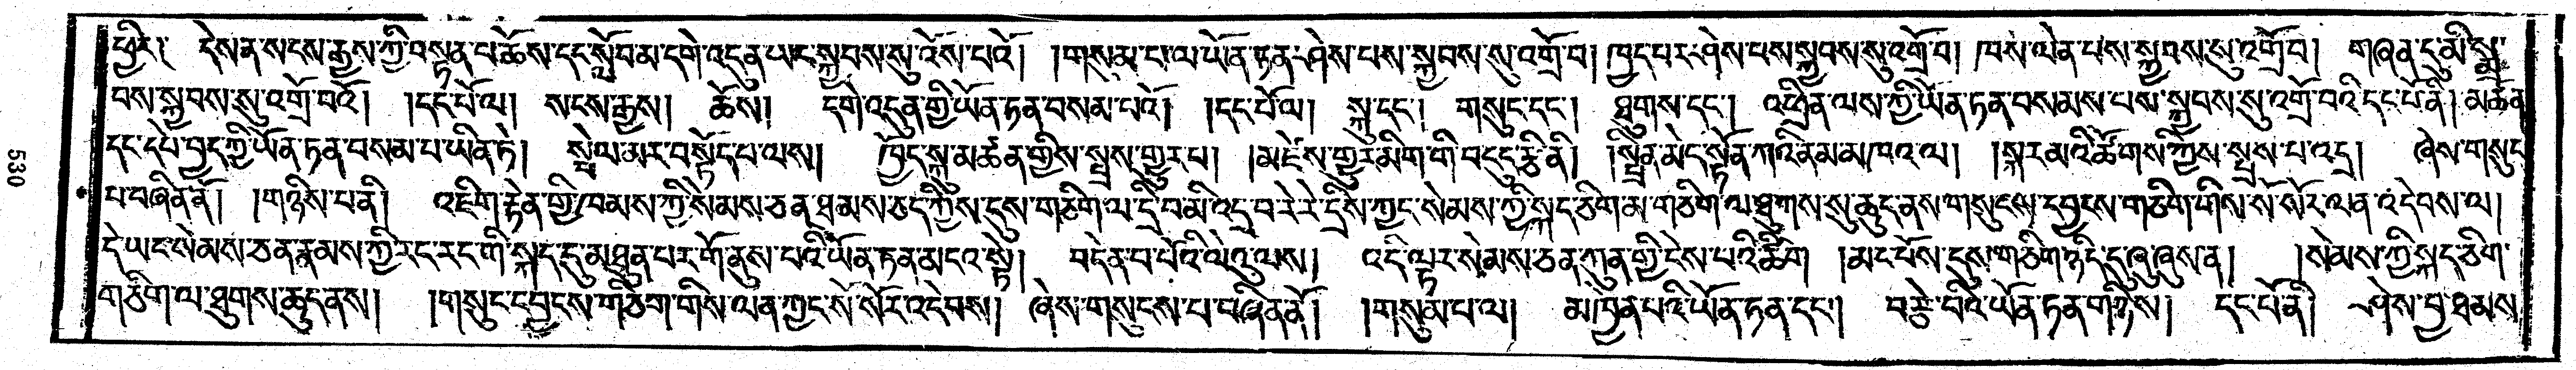ཕྱིར༑ དེས་ན་སངས་རྒྱས་ཀྱི་བསྟན་པ་ཆོས་དང་སློབ་མ་དགེ་འདུན་ཡང་སྐྱབས་སུ་འོས་པའོ། །གསུམ་པ་ལ་ཡོན་ཏན་ཤེས་པས་སྐྱབས་སུ་འགྲོ་བ། ཁྱད་པར་ཤེས་པས་སྐྱབས་སུ་འགྲོ་བ། ཁས་ལེན་པས་སྐྱབས་སུ་འགྲོ་བ། གཞན་དུ་མི་སྨྲ་
བས་སྐྱབས་སུ་འགྲོ་བའོ། །དང་པོ་ལ། སངས་རྒྱས། ཆོས། དགེ་འདུན་གྱི་ཡོན་ཏན་བསམ་པའོ། །དང་པོ་ལ། སྐུ་དང་། གསུང་དང་། ཐུགས་དང་། འཕྲིན་ལས་ཀྱི་ཡོན་ཏན་བསམས་པས་སྐྱབས་སུ་འགྲོ་བའི་དང་པོ་ནི། མཚན་
དང་དཔེ་བྱད་ཀྱི་ཡོན་ཏན་བསམ་པ་ཡིན་ཏེ། སྤེལ་མར་བསྟོད་པ་ལས། ཁྱོད་སྐུ་མཚན་གྱིས་སྤྲས་གྱུར་པ། །མཛེས་གྱུར་མིག་གི་བདུད་རྩི་ནི། །སྤྲིན་མེད་སྟོན་ཀའི་ནམ་མཁའ་ལ། །སྐར་མའི་ཚོགས་ཀྱིས་སྤྲས་པ་འདྲ། ཞེས་གསུང་
པ་བཞིན་ནོ། །གཉིས་པ་ནི། འཇིག་རྟེན་གྱི་ཁམས་ཀྱི་སེམས་ཅན་ཐམས་ཅད་ཀྱིས་དུས་གཅིག་ལ་དྲི་བ་མི་འདྲ་བ་རེ་རེ་དྲིས་ཀྱང་སེམས་ཀྱི་སྐད་ཅིག་མ་གཅིག་ལ་ཐུགས་སུ་ཆུད་ནས་གསུངས་དབྱངས་གཅིག་གིས་སོ་སོར་ལན་འདེབས་ལ།
དེ་ཡང་སེམས་ཅན་རྣམས་ཀྱི་རང་རང་གི་སྐད་དུ་མཐུན་པར་གོ་ནུས་པའི་ཡོན་ཏན་མངའ་སྟེ། བདེན་བ་བོའི་ལེའུ་ལས། འདི་ལྟར་སེམས་ཅན་ཀུན་གྱི་ངེས་པའི་ཚིག །མང་པོས་དུས་གཅིག་ཉིད་དུ་ཞུ་ཞུས་ན། །སེམས་ཀྱི་སྐད་ཅིག་
གཅིག་ལ་ཐུགས་ཆུད་ནས། །གསུང་དབྱངས་གཅིག་གིས་ལན་ཀྱང་སོ་སོར་འདེབས། ཞེས་གསུངས་པ་བཞིན་ནོ། །གསུམ་པ་ལ། མཁྱེན་པའི་ཡོན་ཏན་དང་། བརྩེ་བའི་ཡོན་ཏན་གཉིས། དང་པོ་ནི། ཤེས་བྱ་ཐམས་